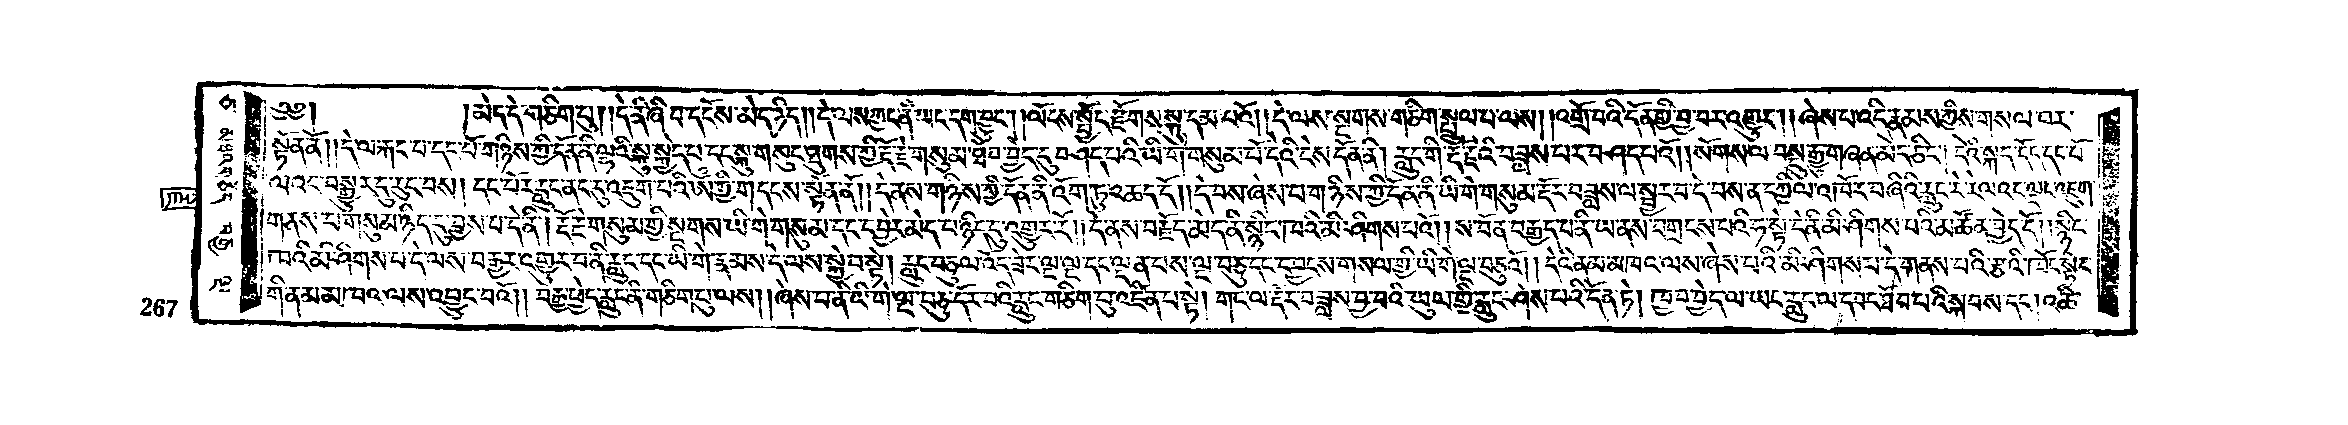༄༅། །མེད་དེ་གཅིག་པུ། །དེ་ནི་ཞི་བ་དངོས་མེད་ཉིད། །དེ་ལས་ཀྱང་ནི་ཡང་དག་བྱུང་། །ལོངས་སྤྱོད་རྫོགས་སྐུ་དམ་པའོ། །དེ་ལས་སྔགས་གཅིག་སྤྲུལ་པ་ལས། །འགྲོ་བའི་དོན་གྱི་བྱ་བར་འགྱུར། །ཞེས་པ་འདི་རྣམས་ཀྱིས་གསལ་བར་
སྟོན་ནོ། །དེ་ལ་རྐང་པ་དང་པོ་གཉིས་ཀྱི་དོན་ནི་ལྷའི་སྐུ་སྐྱེད་པ་དང་སྐུ་གསུང་ཐུགས་ཀྱི་རྡོ་རྗེ་གསུམ་ཐོབ་བྱེད་དུ་བཤད་པའི་ཡི་གེ་གསུམ་པོ་དེའི་ངེས་དོན་ནི། རླུང་གི་རྡོ་རྗེའི་བཟླས་པར་བཤད་པའོ། །སོགས་ལ་བསྡུ་རྒྱུ་གཞན་མེད་ཅིང་། དེའི་སྐད་དོད་དང་པོ་
ལའང་བསྒྱུར་དུ་རུང་བས། དང་པོར་རླུང་ནང་དུ་འཇུག་པའི་ཨོཾ་གྱི་གདངས་སྟོན་ནོ། །དེ་ནས་གཉིས་ཀྱི་དོན་ནི་འོག་ཏུ་འཆད་དོ། །དེ་བས་ཞེས་པ་གཉིས་ཀྱི་དོན་ནི་ཡི་གེ་གསུམ་རྡོར་བཟླས་ལ་སྦྱར་བ་དེ་བས་ན་དཀྱིལ་འཁོར་བཞིའི་རླུང་རེ་རེ་ལའང་ལྡང་འཇུག་
གནས་པ་གསུམ་ཉིད་དུ་བྱས་པ་དེ་ནི། རྡོ་རྗེ་གསུམ་གྱི་སྔགས་ཡི་གེ་གསུམ་དང་དབྱེར་མེད་པ་ཉིད་དུ་འགྱུར་རོ། །དེ་ནས་བརྗོད་མེད་ནི་སྙིང་ཁའི་མི་ཤིགས་པའོ། །ས་བོན་བརྒྱད་པ་ནི་ཡ་ནས་བགྲངས་པའི་ཧ་སྟེ་དེ་ནི་མི་ཤིགས་པའི་མཚོན་བྱེད་དོ། །སྙིང་
ཁའི་མི་ཤིགས་པ་དེ་ལས་བརྒྱར་འགྱུར་བ་ནི་རླུང་དང་ཡི་གེ་རྣམས་དེ་ལས་སྐྱེ་བ་སྟེ། རླུང་བཅུ་ལ་འོད་ཟེར་ལྔ་ལྔ་དང་ལྡན་པས་ལྔ་བཅུ་དང་དབྱངས་གསལ་གྱི་ཡི་གེ་ལྔ་བཅུའོ། །དེའི་ནམ་མཁའ་ལས་ཞེས་པའི་མི་ཤིགས་པ་དེ་གནས་པའི་རྩའི་ཁོང་སྟོང་
གི་ནམ་མཁའ་ལས་འབྱུང་བའོ། །བརྒྱ་ཕྱེད་རླུང་ནི་གཅིག་པུ་ལས། །ཞེས་པ་ནི་ཡི་གེ་ལྔ་བཅུ་དོར་བའི་རླུང་གཅིག་པུ་འཛིན་པ་སྟེ། གང་ལ་རྡོར་བཟླས་བྱ་བའི་ཡུལ་གྱི་རླུང་ཤེས་པའི་དོན་ཏེ། ཁྱབ་བྱེད་ལ་ཡང་རླུང་ལ་དབང་ཐོབ་པའི་སྐབས་དང་། འཆི་